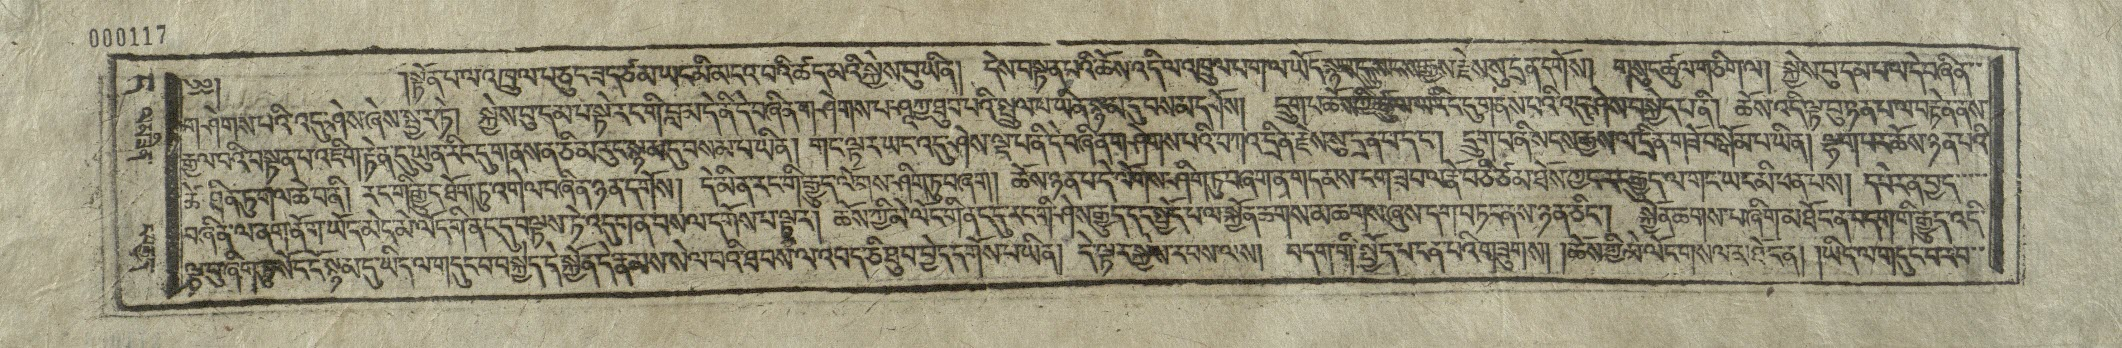༄༅། །སྟོན་པ་ལ་འཁྲུལ་པ་ཅུང་ཟད་ཙམ་ཡང་མི་མངའ་བའི་ཚད་མའི་སྐྱེས་བུ་ཡིན། དེས་བསྟན་པའི་ཆོས་འདི་ལ་འཁྲུལ་པ་ག་ལ་ཡོད་སྙམ་དུ་སངས་རྒྱས་རྗེས་སུ་དྲན་དགོས། གསུང་ཚུལ་གཅིག་ལ། སྐྱེས་བུ་དམ་པ་ལ་དེ་བཞིན་
གཤེགས་པའི་འདུ་ཤེས་ཞེས་སྦྱར་ཏེ། སྐྱེས་བུ་དམ་པ་སྟེ་རང་གི་བླ་མ་དེ་ནི་དེ་བཞིན་གཤེགས་པ་ཤཱཀྱ་ཐུབ་པའི་སྤྲུལ་པ་ཡིན་སྙམ་དུ་བསམ་དགོས། དྲུག་པ་ཆོས་ཀྱི་ཚུལ་ལ་རིང་དུ་གནས་པའི་འདུ་ཤེས་བསྐྱེད་པ་ནི། ཆོས་འདི་ལྟ་བུ་ཉན་པ་ལ་བརྟེན་ནས་
རྒྱལ་བའི་བསྟན་པ་འཇིག་རྟེན་དུ་ཡུན་རིང་དུ་གནས་ན་ཅི་མ་རུང་སྙམ་དུ་བསམ་པ་ཡིན། གང་ལྟར་ཡང་འདུ་ཤེས་ལྔ་པ་ནི་དེ་བཞིན་གཤེགས་པའི་བཀའ་དྲིན་རྗེས་སུ་དྲན་པ་དང་། དྲུག་པ་ནི་སངས་རྒྱས་ལ་དྲིན་གཟོ་བསྒོམ་པ་ཡིན། ལྷག་པར་ཆོས་ཉན་པའི་
ཚེ་ཤིན་ཏུ་གལ་ཆེ་བ་ནི། རང་གི་རྒྱུད་ཐོག་ཏུ་འགེལ་བཞིན་ཉན་དགོས། དེ་མིན་རང་གི་རྒྱུད་ལོགས་ཤིག་ཏུ་བཞག །ཆོས་ཉན་པ་དེ་ལོགས་ཤིག་ཏུ་བཞག་ན་གདམས་ངག་ཟབ་ལ་རྣོ་བ་ཅི་ཙམ་ཐོས་ཀྱང་རང་རྒྱུད་ལ་གང་ཡང་མི་ཕན་པས། དཔེར་ན་བྱད་
བཞིན་ལ་ནག་ནོག་ཡོད་མེད་མེ་ལོང་གི་ནང་དུ་བལྟས་ཏེ་འདུག་ན་བསལ་དགོས་པ་ལྟར། ཆོས་ཀྱི་མེ་ལོང་གི་ནང་དུ་རང་གི་ཤེས་རྒྱུད་དང་སྤྱོད་པ་ལ་སྐྱོན་ཆགས་མ་ཆགས་ཞུས་དག་བཏང་ནས་ཉན་ཅིང་། སྐྱོན་ཆགས་པ་ཞིག་མཐོང་ན་བདག་གི་རྒྱུད་འདི་
ལྟ་བུ་ཞིག་ཏུ་སོང་ངོ་སྙམ་དུ་ཡིད་ལ་གདུང་བ་བསྐྱེད་དེ་སྐྱོན་དེ་རྣམས་སེལ་བའི་ཐབས་ལ་འབད་ཅི་ཐུབ་བྱེད་དགོས་པ་ཡིན། དེ་ལྟར་སྐྱེས་རབས་ལས། བདག་གི་སྤྱོད་པ་ངན་པའི་གཟུགས། །ཆོས་ཀྱི་མེ་ལོང་གསལ་མཐོང་ན། །ཡིད་ལ་གདུང་བ་རབ་